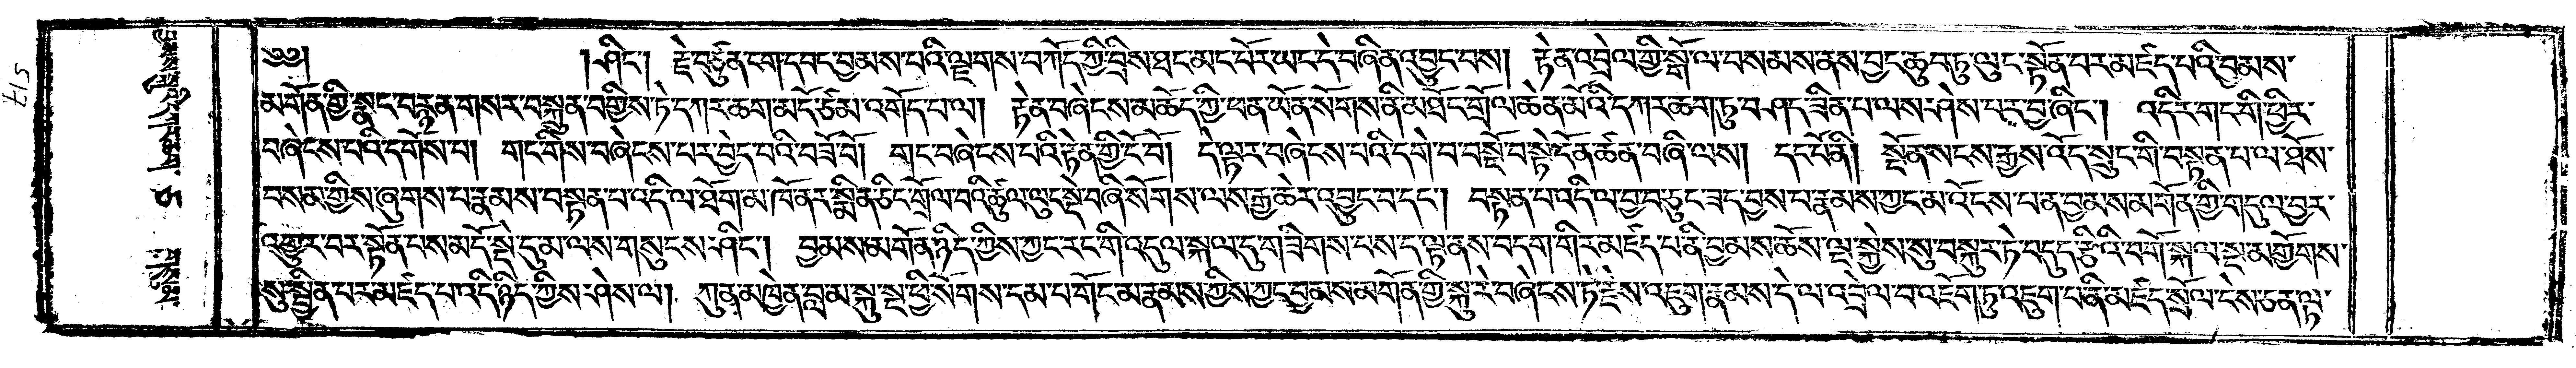༄༅། །ཤིང་། རྗེ་བཙུན་ངག་དབང་བྱམས་པའི་ལྗགས་བཀོད་ཀྱི་བྲིས་ཐང་མང་པོར་ཡང་དེ་བཞིན་འབྱུང་བས། རྟེན་འབྲེལ་གྱི་སྒོ་ལ་བསམས་ནས་བྱང་ཆུབ་ཏུ་ལུང་སྟོན་པར་མཛད་པའི་བྱམས་
མགོན་ཀྱི་སྣང་བརྙན་གསར་བསྐྲུན་བགྱིས་ཏེ་དཀར་ཆག་མདོ་ཙམ་འགོད་པ་ལ། རྟེན་བཞེངས་མཆོད་ཀྱི་ཕན་ཡོན་སོགས་ནི་མཐོང་གྲོལ་ཆེན་མོའི་དཀར་ཆག་ཏུ་བཤད་ཟིན་པ་ལས་ཤེས་པར་བྱ་ཞིང་། འདིར་གང་གི་ཕྱིར་
བཞེངས་པའི་དགོས་པ། གང་གིས་བཞེངས་པར་བྱེད་པའི་བཟོ་བོ། གང་བཞེངས་པའི་རྟེན་གྱི་ངོ་བོ། །དེ་ལྟར་བཞེངས་པའི་དགེ་བ་བསྔོ་བ་སྟེ་དོན་ཚན་བཞི་ལས། དང་པོ་ནི། སྔོན་སངས་རྒྱས་འོད་སྲུང་གི་བསྟན་པ་ལ་ཐོས་
བསམ་གྱིས་ཞུགས་པ་རྣམས་བསྟན་པ་འདི་ལ་ཐོག་མ་ཁོ་ནར་སྨིན་ཅིང་གྲོལ་བའི་ཚུལ་ལུང་སྡེ་བཞི་སོགས་ལས་རྒྱ་ཆེར་འབྱུང་བ་དང་། བསྟན་པ་འདི་ལ་བྱ་བ་ཅུང་ཟད་བྱས་པ་རྣམས་ཀྱང་མ་འོངས་པ་ན་བྱམས་མགོན་གྱི་གདུལ་བྱར་
འགྱུར་བར་སྟོན་པས་མདོ་སྡེ་དུ་མ་ལས་གསུངས་ཤིང་། བྱམས་མགོན་ཉིད་ཀྱིས་ཀྱང་རང་གི་འདུལ་སྐལ་དུ་གཟིགས་པས་ད་ལྟ་ནས་བདག་གིར་མཛད་པ་ནི་བྱམས་ཆོས་ལྔ་སྐྱེས་སུ་བསྐུར་ཏེ་བདུད་རྩིའི་བགོ་སྐལ་སྔ་མགྱོགས་
སུ་སྦྱིན་པར་མཛད་པ་འདི་ཉིད་ཀྱིས་ཤེས་ལ། ཀུན་མཁྱེན་བླ་མ་སྐུ་སྔ་ཕྱི་སོགས་དམ་པ་གོང་མ་རྣམས་ཀྱིས་ཀྱང་བྱམས་མགོན་གྱི་སྐུ་རེ་བཞེངས་ཏེ་རྗེས་འཇུག་རྣམས་དེ་ལ་འབྲེལ་བ་འཇོག་ཏུ་འཇུག་པ་ནི་མཛད་སྲོལ་ངེས་ཅན་ལྟ་